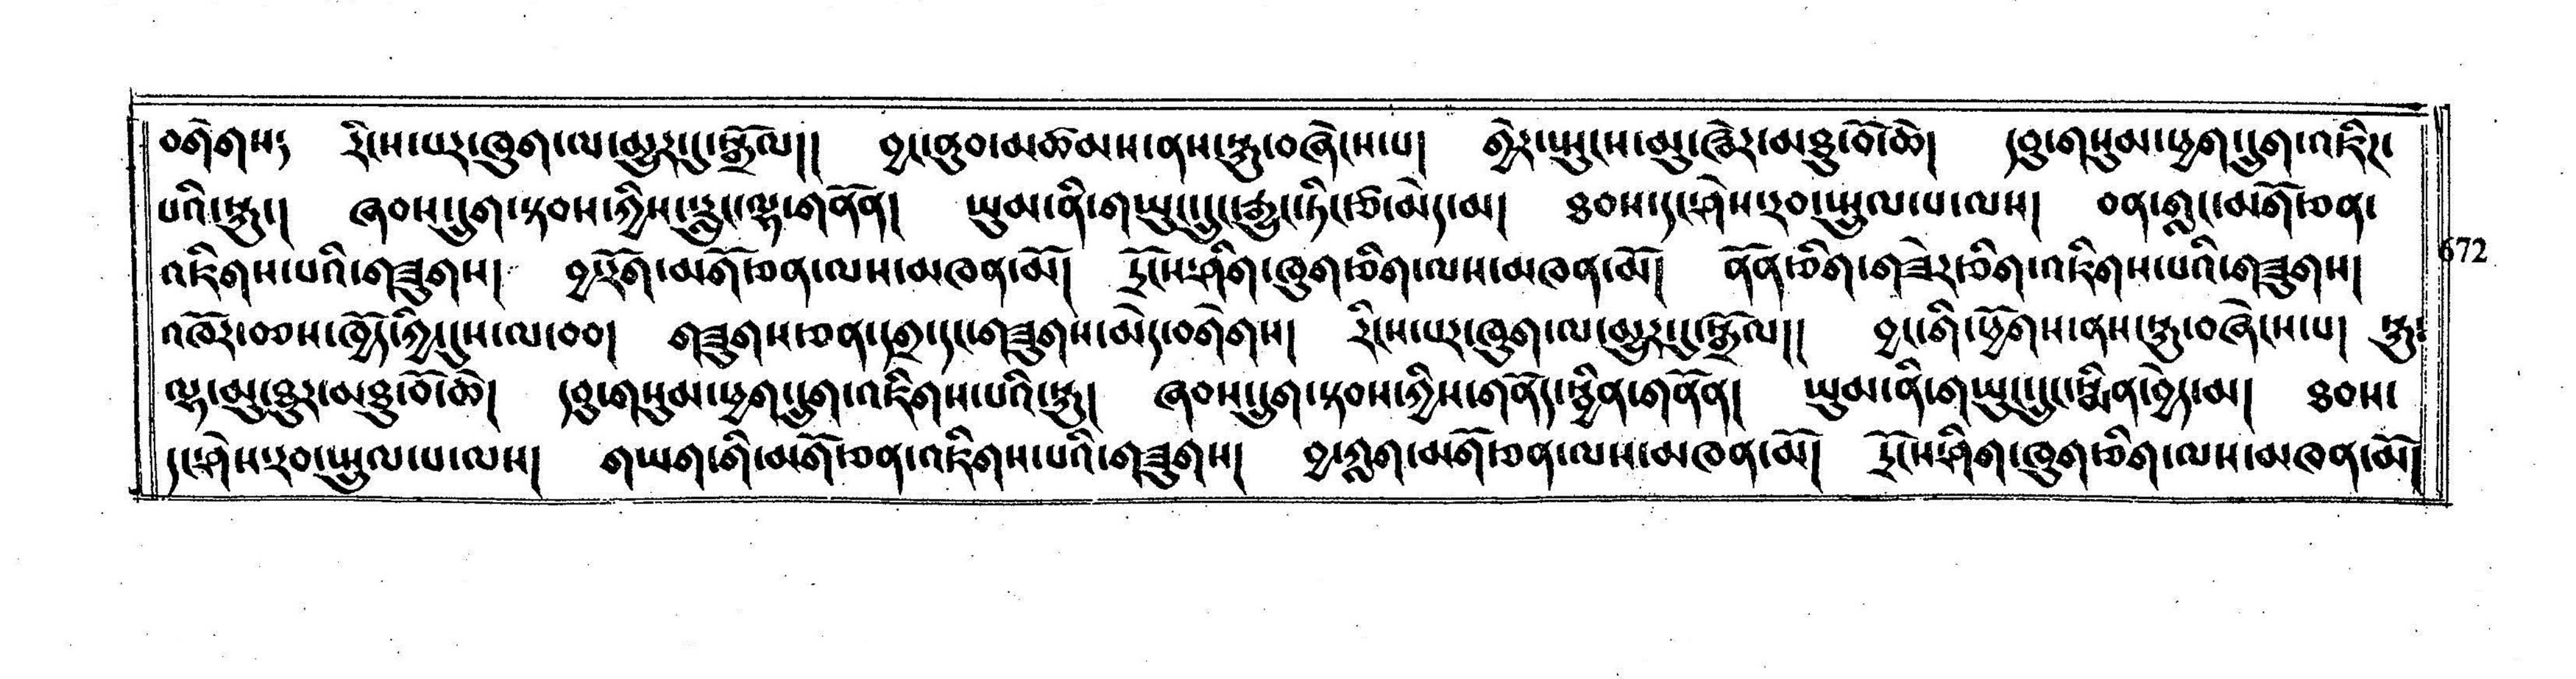བགེགས། རིངས་པར་ཁུག་ལ་མྱུར་དུ་སྒྲོལ།། བྱང་ནུབ་མཚམས་ནས་སྐུ་བཞེངས་པ། གྱེར་སྤུངས་མུ་ཝེར་མཐུ་བོ་ཆེ། དབུ་གསུམ་ཕྱག་དྲུག་འཇིགས་
པའི་སྐུ། ཞབས་དྲུག་སྟབས་ཀྱིས་རླུང་ལྷ་གནོན། ཡུམ་ནི་གཡུང་དྲུང་རྒྱུང་ཏིང་ཙ་མེད་མ། ཐབས་དང་ཤེས་རབ་སྤྲུལ་པ་ལས། བན་གླང་མགོ་ཅན་
འཇིགས་པའི་གཟུགས། བྱ་རོག་མགོ་ཅན་ལས་མཁན་མོ། དྲོངས་ཤིག་ཁུག་ཅིག་ལས་མཁན་མོ། ནོན་ཅིག་གཟེར་ཅིག་འཇིགས་པའི་གཟུགས། 
འཁོར་བཅས་ཁྱོད་ཀྱི་དུས་ལ་བབ། གཟུགས་ཅན་དགྲ་དང་གཟུགས་མེད་བགེགས། རིངས་པར་ཁུག་ལ་མྱུར་དུ་སྒྲོལ།། བྱང་གི་ཕྱོགས་ནས་སྐུ་བཞེངས་པ། སྐུ་
ལྷ་མུ་ཐུར་མཐུ་བོ་ཆེ། དབུ་གསུམ་ཕྱག་དྲུག་འཇིགས་པའི་སྐུ། ཞབས་དྲུག་སྟབས་ཀྱིས་གནོད་སྦྱིན་གནོན། ཡུམ་ནི་གཡུང་དྲུང་སྨིན་བྱེད་མ། ཐབས་
དང་ཤེས་རབ་སྤྲུལ་པ་ལས། གཡག་གི་མགོ་ཅན་འཇིགས་པའི་གཟུགས། བྱ་ཀླག་མགོ་ཅན་ལས་མཁན་མོ། དྲོངས་ཤིག་ཁུག་ཅིག་ལས་མཁན་མོ།